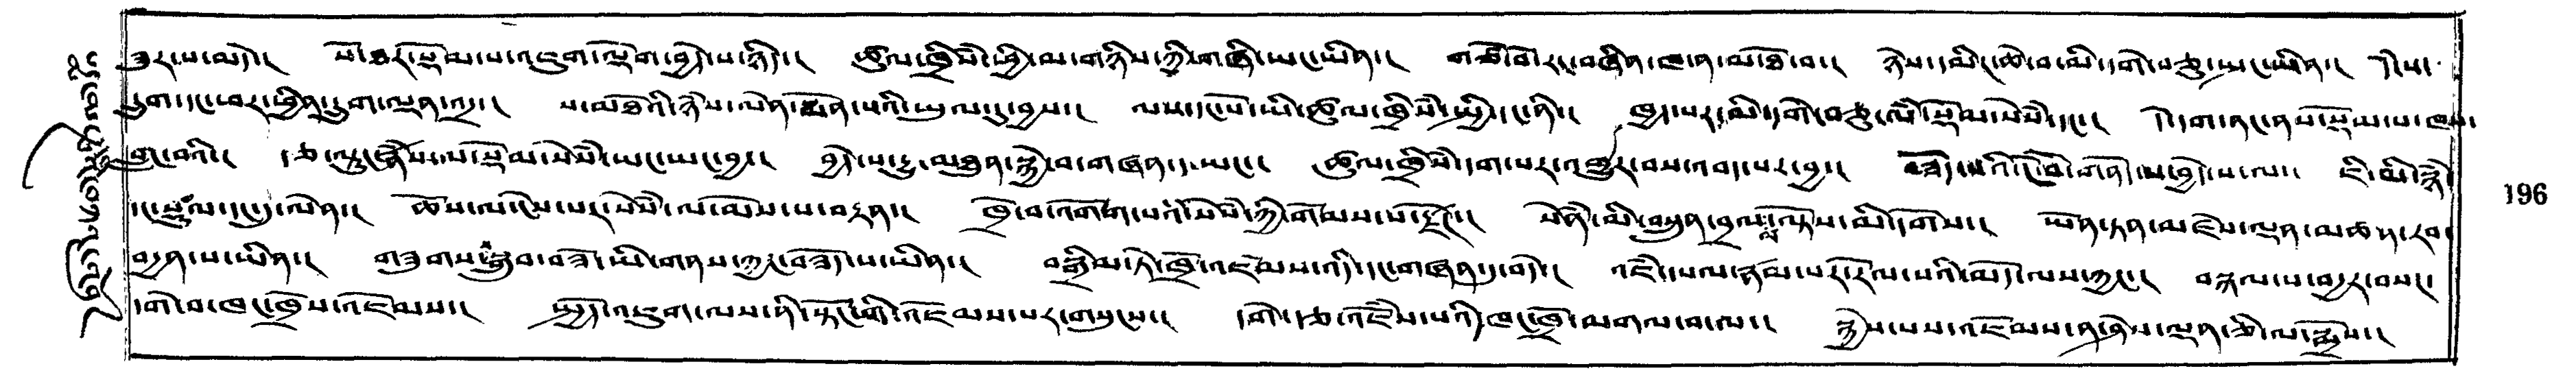ཟུར་པ་མེད། །སོ་ཐར་སྡོམ་པ་འཇུག་ལྡོག་བྱེད་པ་ཉིད། །ཚུལ་ཁྲིམས་ཕྱི་མ་གཉིས་ཀྱི་གཞི་ཡང་ཡིན། །གཙོ་བོ་རང་བཞིན་ཁ་ན་མ་ཐོ་བ། །ཉེས་དམིགས་ཆེ་བ་མི་དགེ་བཅུ་སྤོང་ཡིན། །དམ་པ་
དྲུག་དང་ཕར་ཕྱིན་དྲུག་ལྡན་འདྲ། །ས་མཐོའི་ཉམས་ལེན་སྨོན་པའི་ཡུལ་དུ་བྱ། ལས་དང་པོ་ཡི་ཚུལ་ཁྲིམས་སྤྱི་དང་ནི། །ཁྱད་པར་མི་དགེ་བཅུ་ལ་སྡོམ་སེམས་དང་། །དེ་དག་ནང་ནས་སྡོམ་པ་ཁས་
བླངས་བའི། །རྩ་ལྟུང་རྣམས་ལ་སྡོམ་སེམས་ཡང་ཡང་བྱ། །བྱེད་པ་རྒྱུ་མཐུན་སྐྱེ་བ་གཞན་དུ་ཡང་། །ཚུལ་ཁྲིམས་དག་པར་འགྱུར་བས་འབད་པར་བྱ། །བཟོད་པའི་ངོ་བོ་གནོད་པ་བྱེད་པ་ལ། །ཇི་མི་སྙམ་
དང་སྡུག་བསྔལ་དང་དུ་ལེན། །ཆོས་ལ་ངེས་པར་སེམས་ལ་མོས་པ་བརྟན། །ཁྲོ་བ་འགོག་པའི་སེམས་ཀྱི་གོམས་པ་རྫོགས། །སེམས་ཅན་མི་བསྲུན་བྲལ་ལ་ལྟོས་མི་དགོས། །ཡོན་ཏན་མཛེས་ལྡན་མཚན་རབ་
བརྒྱན་པ་ཡིན། །གཟུགས་སྒྲུབ་བཟོ་ཡི་གནས་ཀྱང་བཟོད་པ་ཡིན། །བསྒྲིམ་ཏེ་ཁྲོ་འཇོམས་འདི་དང་གཞན་དུ་བདེ། །འཇམ་དཔལ་རྣམ་པར་རོལ་པའི་མདོ་ལས་ཀྱང་། །བསྐལ་པ་བརྒྱར་བསགས་
དགེ་བ་ཁོང་ཁྲོས་འཇོམས། །སྤྱོད་འཇུག་ལས་ནི་སྟོང་གི་འཇོམས་པར་གསུངས། །དགེ་རྩ་འཇོམས་པའི་ཁོང་ཁྲོ་མགལ་བ་ལ། །སྐྱེས་པས་འཇོམས་ན་ཤེས་ལྡན་ཅི་ལ་སྨྲོས། །